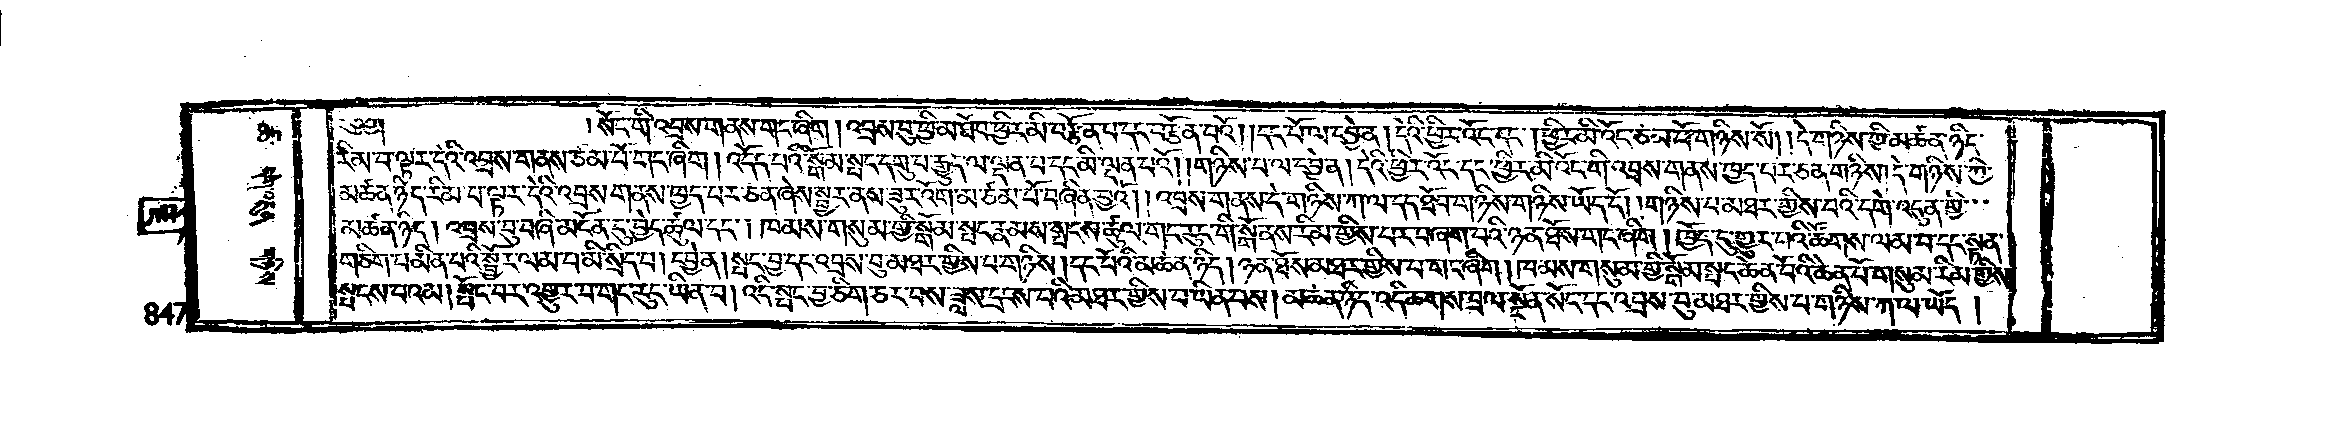༄༅། །སོང་གི་འབྲས་གནས་གང་ཞིག །འབྲས་བུ་ཕྱི་མ་ཐོབ་ཕྱིར་མི་བརྩོན་པ་དང་བརྩོན་པའོ། །དང་པོ་ལ་དབྱེ་ན། དེའི་ཕྱིར་འོང་དང་། ཕྱིར་མི་འོང་ཙམ་པོ་གཉིས་སོ། །དེ་གཉིས་ཀྱི་མཚན་ཉིད་
རིམ་པ་ལྟར་དེའི་འབྲས་གནས་ཙམ་པོ་གང་ཞིག །འདོད་པའི་སྒོམ་སྤང་དགུ་པ་རྒྱུད་ལ་ལྡན་པ་དང་མི་ལྡན་པའོ། །གཉིས་པ་ལ་དབྱེ་ན། དེའི་ཕྱིར་འོང་དང་ཕྱིར་མི་འོང་གི་འབྲས་གནས་ཁྱད་པར་ཅན་གཉིས། དེ་གཉིས་ཀྱི་
མཚན་ཉིད་རིམ་པ་ལྟར་དེའི་འབྲས་གནས་ཁྱད་པར་ཅན་ཞེས་སྦྱར་ནས་ཟུར་འོག་མ་ཙམ་པོ་བཞིན་བྱའོ། །འབྲས་གནས་དེ་གཉིས་ཀ་ལ་དད་ཐོབ་གཉིས་གཉིས་ཡོད་དོ། །གཉིས་པ་མཐར་གྱིས་པའི་དགེ་འདུན་གྱི་
མཚན་ཉིད། འབྲས་བུ་བཞི་མངོན་དུ་བྱེད་ཚུལ་དང་། ཁམས་གསུམ་གྱི་སྒོམ་སྤང་རྣམས་སྤངས་ཚུལ་གང་རུང་གི་སྒོ་ནས་རིམ་གྱིས་པར་བཞག་པའི་ཉན་ཐོས་གང་ཞིག །ཁྱོད་དུ་གྱུར་པའི་ཚོགས་ལམ་པ་དང་སྟན་
གཅིག་པ་མིན་པའི་སྦྱོར་ལམ་པ་མི་སྲིད་པ། དབྱེ་ན། སྤང་བྱ་དང་འབྲས་བུ་མཐར་གྱིས་པ་གཉིས། དང་པོའི་མཚན་ཉིད། ཉན་ཐོས་མཐར་གྱིས་པ་གང་ཞིག །ཁམས་གསུམ་གྱི་སྒོམ་སྤང་ཆེན་པོའི་ཆེན་པོ་གསུམ་རིམ་གྱིས་
སྤངས་པའམ། སྤོང་བར་འགྱུར་བ་གང་རུང་ཡིན་པ། འདི་སྤང་བྱ་ཅིག་ཅར་བས་ཟླས་དྲངས་པའི་མཐར་གྱིས་པ་ཡིན་པས། མཚན་ཉིད་འདི་ཆགས་བྲལ་སྔོན་སོང་དང་འབྲས་བུ་མཐར་གྱིས་པ་གཉིས་ཀ་ལ་ཡོད།